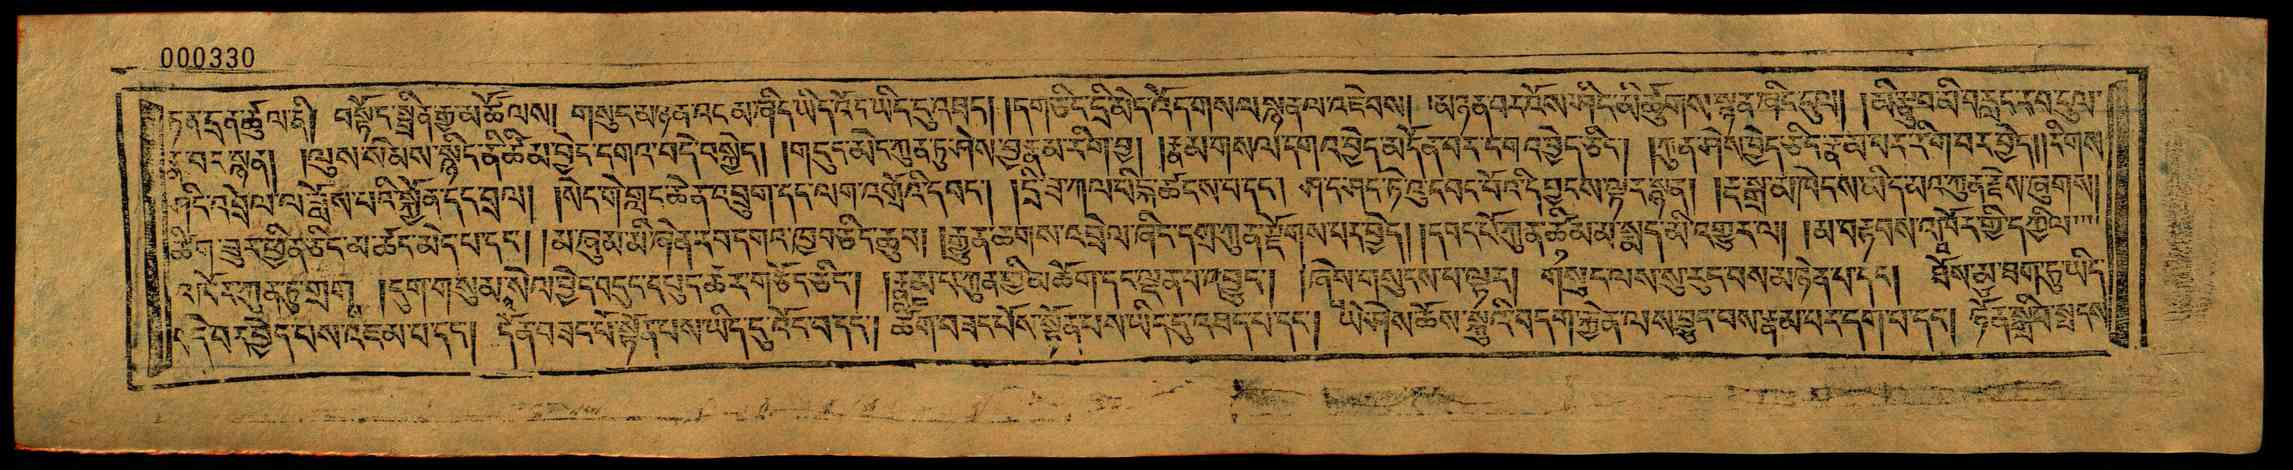ཏན་དྲན་ཚུལ་ནི། བསྟོད་སྤྲིན་རྒྱ་མཚོ་ལས། གསུང་མཉན་འཇམ་ཞིང་ཡིད་འོང་ཡིད་དུ་འཐད། །དག་ཅིང་དྲི་མེད་འོད་གསལ་སྙན་ལ་འཇེབས། །མཉན་པར་འོས་ཤིང་མི་ཚུགས་སྙན་ཞིང་དུལ། །མི་རྩུབ་མི་བརླད་རབ་དུལ་
རྣ་བར་སྙན། །ལུས་སེམས་སྙིང་ནི་ཚིམ་བྱེད་དགའ་བདེ་བསྐྱེད། །གདུང་མེད་ཀུན་ཏུ་ཤེས་བྱ་རྣམ་རིག་བྱ། །རྣམ་གསལ་དགའ་བྱེད་མངོན་པར་དགའ་བྱེད་ཅིང་། །ཀུན་ཤེས་བྱེད་ཅིང་རྣམ་པར་རིག་པར་བྱེད། །རིགས་
ཤིང་འབྲེལ་ལ་ཟློས་པའི་སྐྱོན་དང་བྲལ། །སེང་གེ་གླང་ཆེན་འབྲུག་དང་ལག་འགྲོའི་དབང་། །དྲི་ཟ་ཀ་ལ་པིངྐ་ཚངས་པ་དང་། ཤང་ཤང་ཏེའུ་དབང་པོའི་དབྱངས་ལྟར་སྙན། །རྔ་སྒྲ་མ་ཁེངས་མི་དམའ་ཀུན་རྗེས་ཞུགས།
ཚིག་ཟུར་ཕྱིན་ཅིང་མ་ཚང་མེད་པ་དང་། །མ་ཞུམ་མི་ཞེན་རབ་དགའ་ཁྱབ་ཅིང་ཆུབ། །རྒྱུན་ཆགས་འབྲེལ་ཞིང་དགྲ་ཀུན་རྫོགས་པར་བྱེད། །དབང་པོ་ཀུན་ཚིམ་མ་སྨད་མི་འགྱུར་ལ། །མ་བརྟབས་འཁོར་གྱི་དཀྱིལ་
འཁོར་ཀུན་ཏུ་གྲག །དུག་གསུམ་སེལ་བྱེད་བདུད་དཔུང་ཚར་གཅོད་ཅིང་། །རྣམ་པ་ཀུན་གྱི་མཆོག་དང་ལྡན་པ་འབྱུང་། །ཞེས་གསུངས་པ་ལྟར། ༡་གསུང་ལས་སུ་རུང་བས་མཉེན་པ་དང་། ༢་ཐོས་མ་ཐག་ཏུ་ཡིད་
བདེ་བར་བྱེད་པས་འཇམ་པ་དང་། ༣་དོན་བཟང་པོ་སྟོན་པས་ཡིད་དུ་འོང་བ་དང་། ༤་ཚིག་བཟང་པོས་སྟོན་པས་ཡིད་དུ་འཐད་པ་དང་། ༥་ཡེ་ཤེས་ཆོས་སྐུའི་བདག་རྐྱེན་ལས་བྱུང་བས་རྣམ་པར་དག་པ་དང་། ༦་ཉོན་སྒྲིབ་སྤངས་